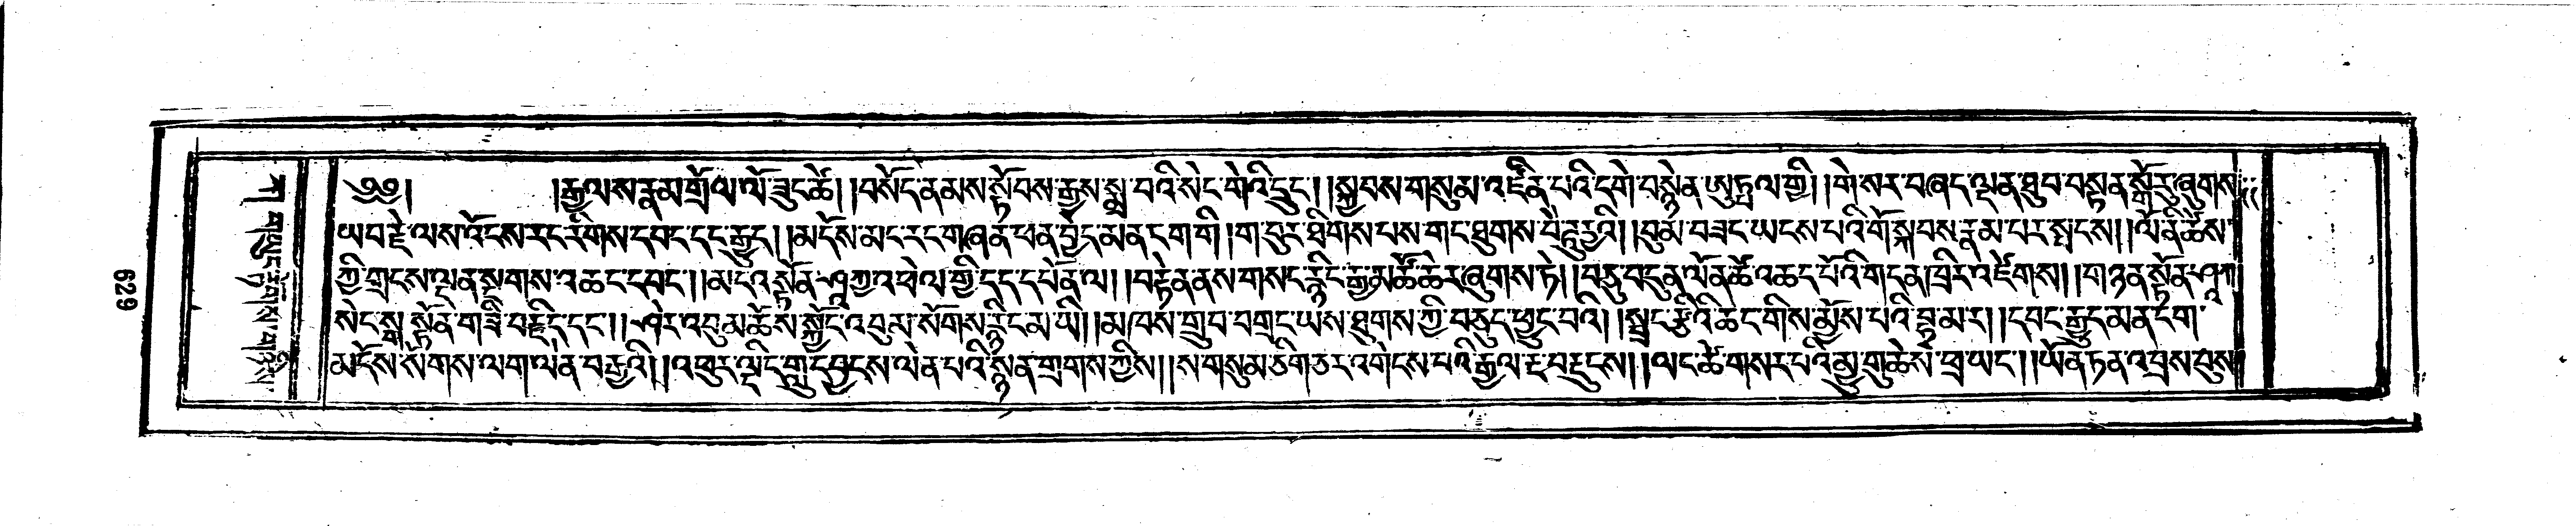༄༅། །རྒྱལ་ས་རྣམ་གྲོལ་ལོ་ཟུང་ཚེ། །བསོད་ནམས་སྟོབས་རྒྱས་སྨྲ་བའི་སེང་གེའི་དྲུང་། །སྐྱབས་གསུམ་འཛིན་པའི་དགེ་བསྙེན་ཨུཏྤལ་གྱི། །གེ་སར་བཞད་ལྡན་ཐུབ་བསྟན་སྒོ་རུ་ཞུགས།།
ཡབ་རྗེ་ལས་འོངས་རང་རིགས་དབང་དང་རྒྱུད། །མདོས་མང་རང་གཞན་ཕན་བྱེད་མན་ངག་གི །ག་བུར་ཐིགས་པས་གང་ཐུགས་བཻཌཱུརྱའི། །བུམ་བཟང་ཡངས་པའི་གོ་སྐབས་རྣམ་པར་སྤངས། །ལོ་ནི་ཚེས་
ཀྱི་གྲངས་ལྡན་སྔགས་འཆང་དབང་། །མངའ་སྟོན་ཤཱཀྱ་འཕེལ་གྱི་དེད་དཔོན་ལ། །བརྟེན་ནས་གསང་རྙིང་རྒྱ་མཚོ་ཆེར་ཞུགས་ཏེ། །བཅུ་བདུན་ལོན་ཚེ་འཆད་པོའི་གདན་ཁྲིར་འཛེགས། །གཉན་སྟོན་ཤཱཀ་
སེང་སྒ་སྟོན་གཟི་བརྗིད་དང་། །ཤེར་འབུམ་ཆོས་སྐྱོང་འབུམ་སོགས་རྙིང་མ་ཡི། །མཁས་གྲུབ་བགྲང་ཡས་ཐུགས་ཀྱི་བཅུད་ཕྱུང་བའི། །སྦྲང་རྩིའི་ཆང་གིས་མྱོས་པའི་བྷྲ་མ་ར། །དབང་རྒྱུད་མན་ངག་
མདོས་སོགས་ལག་ལེན་བརྒྱའི། །འཕུར་ལྡིང་གླུ་དབྱངས་ལེན་པའི་སྙན་གྲགས་ཀྱིས། །ས་གསུམ་ཅིག་ཅར་འགེངས་པའི་རྒྱལ་རྔ་བརྡུངས། །གང་ཚེ་གསར་པའི་མྱུ་གུ་ཆེས་ཕྲ་ཡང་། །ཡོན་ཏན་འབྲས་བུས་